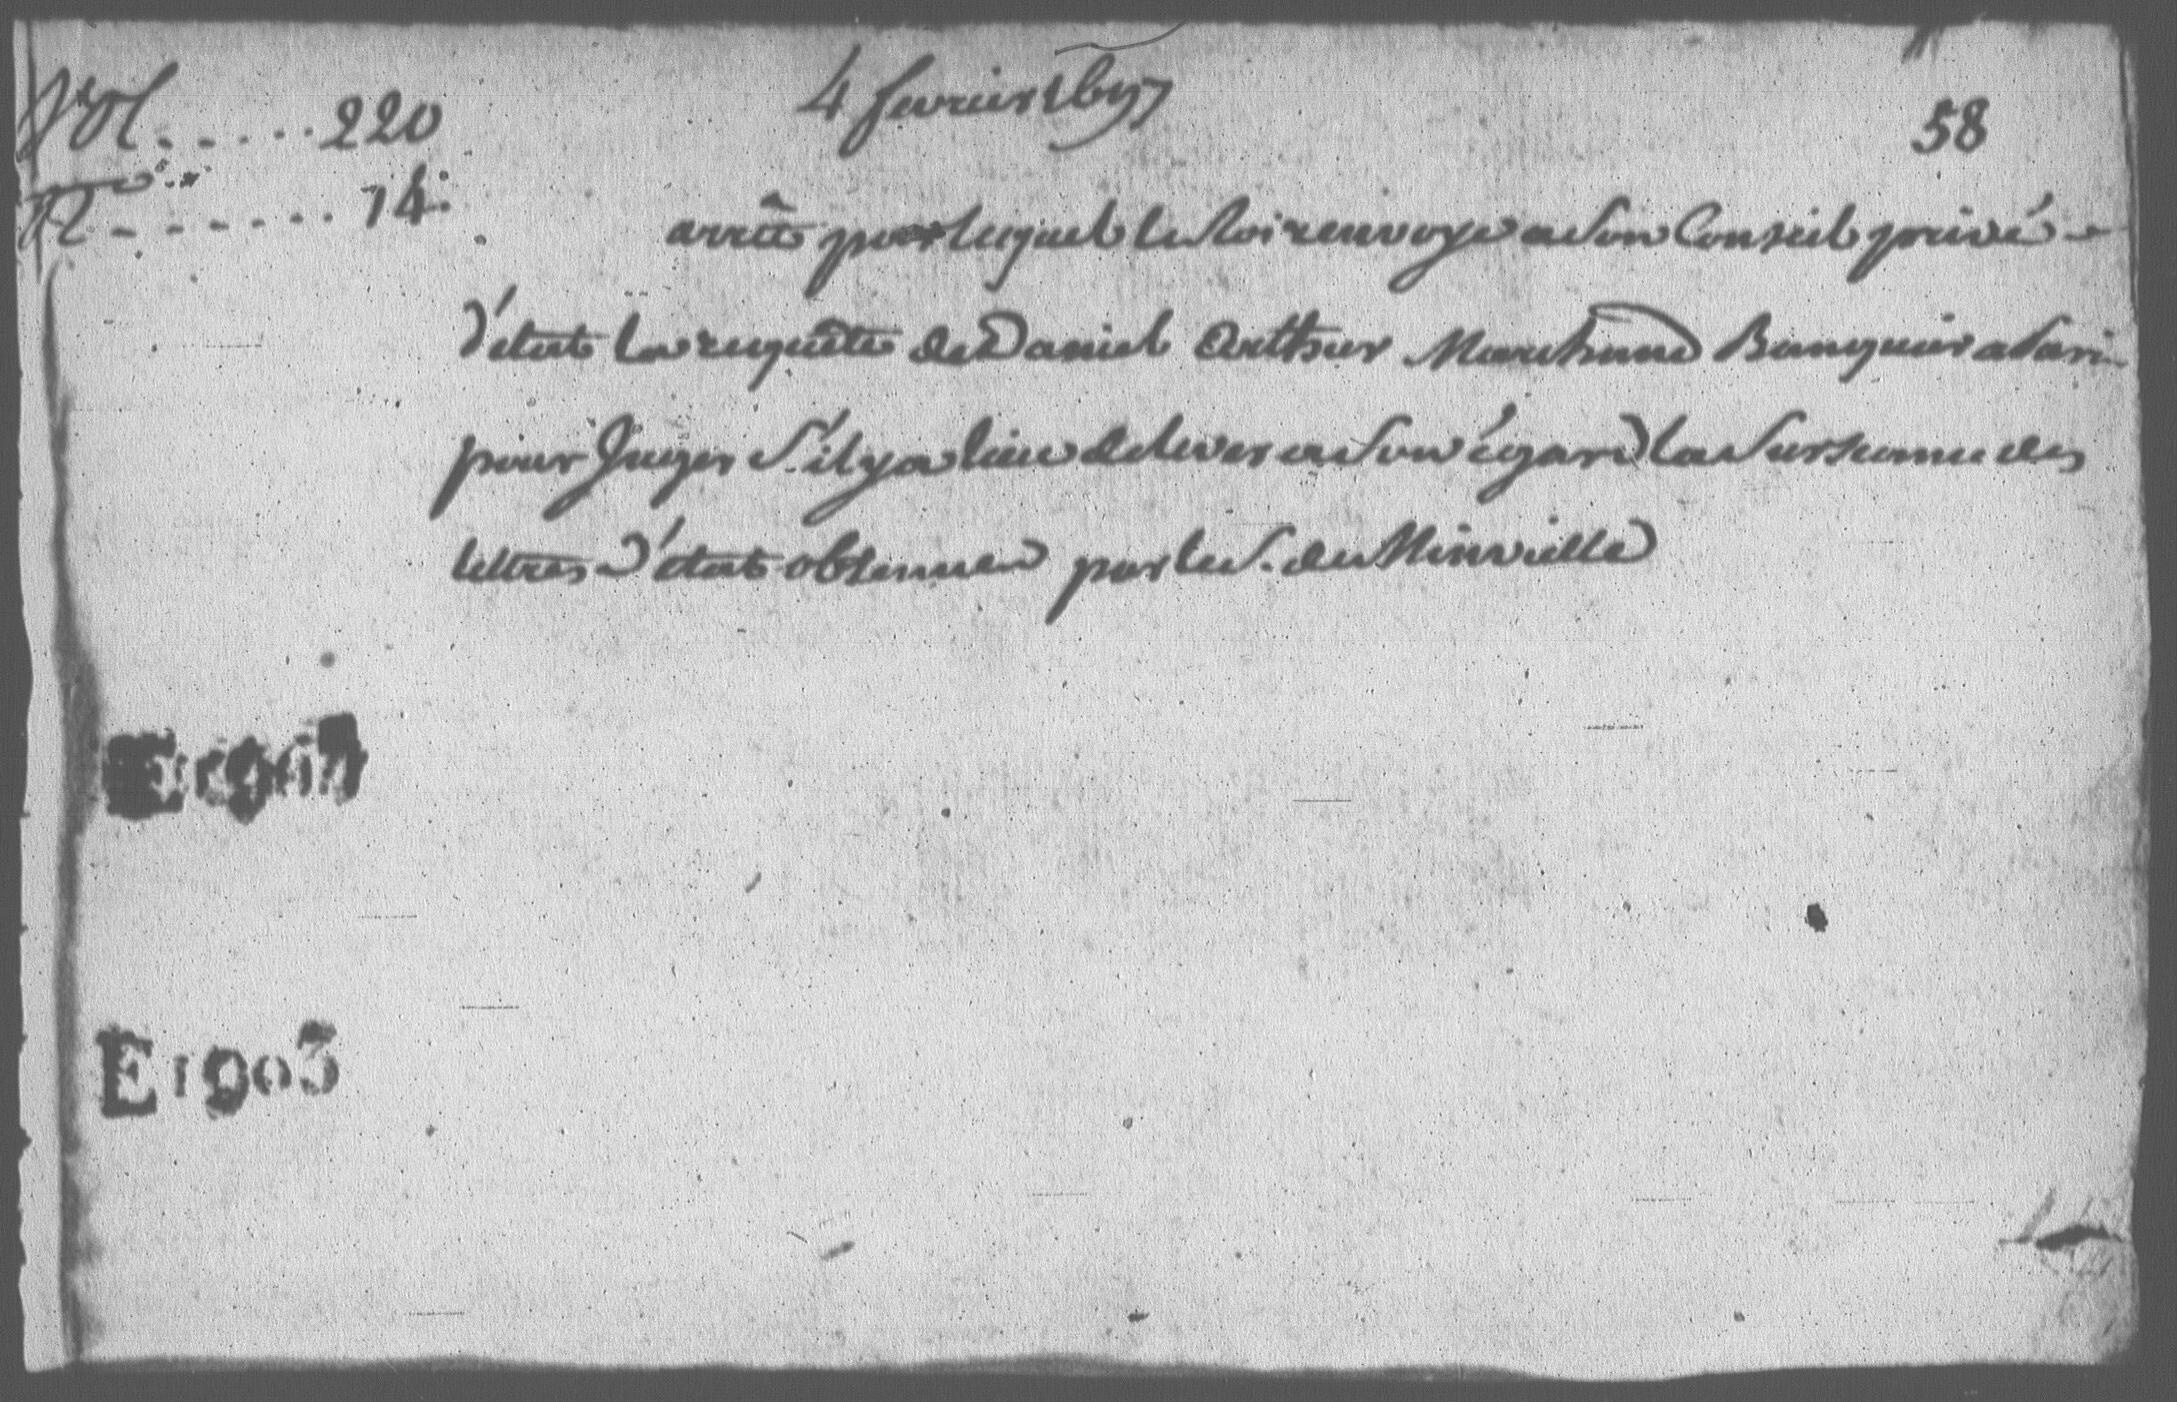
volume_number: n°14
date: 4 février 1697
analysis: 58
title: arrêt par lequel le Roi renvoye a son Conseil privé d'état la requête de Daniel Arthur Marchand Banquier a Paris pour juger S'il y a lieu de lever a son égard la surseance des lettres d'etat obtenues par le S. du Minvielle
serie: E
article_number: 1903
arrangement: vol. 220
